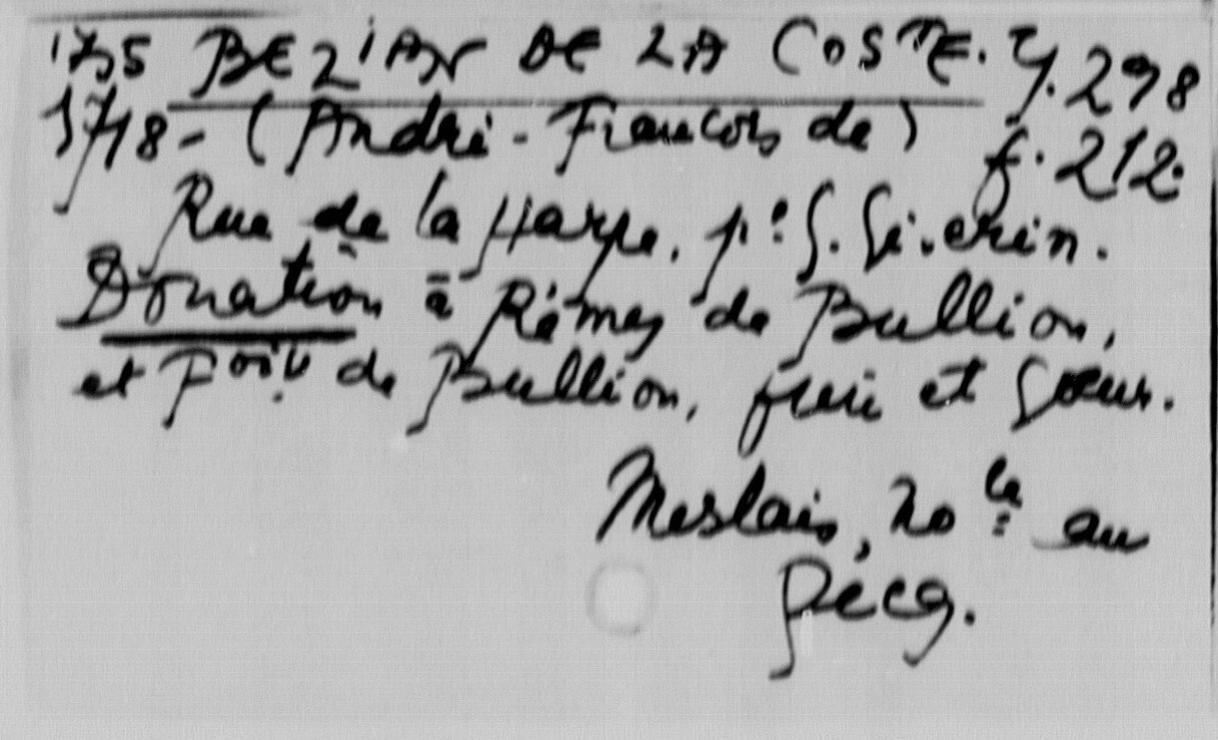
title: BEZIAN DE LA COSTE (André-François de)
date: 1715-1718
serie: Y
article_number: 298
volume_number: fol. 212
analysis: Rue de la Harpe, paroisse Saint-Séverin. Donation à Rémy de BULLION, et François de BULLION, frère et Sœur. Meslais, notaire au Pecq.
